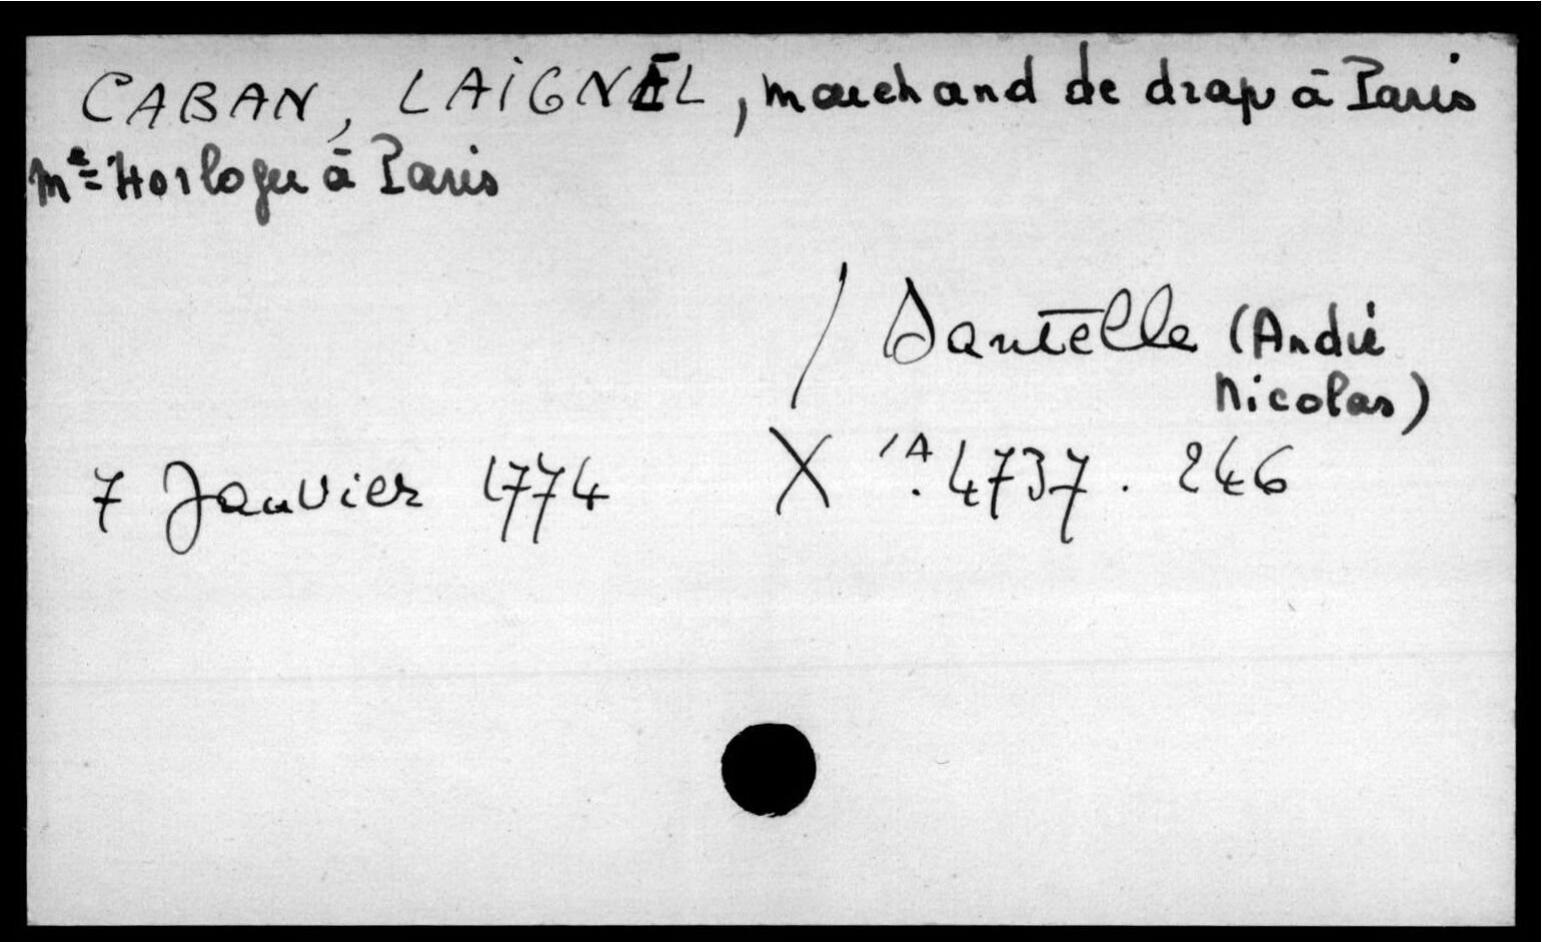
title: CABAN, LAIGNEL, marchand de drap à Paris, maître horloger à Paris
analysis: Contre Dantelle (André Nicolas)
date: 7 janvier 1774
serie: X1A
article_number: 4737
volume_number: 246
